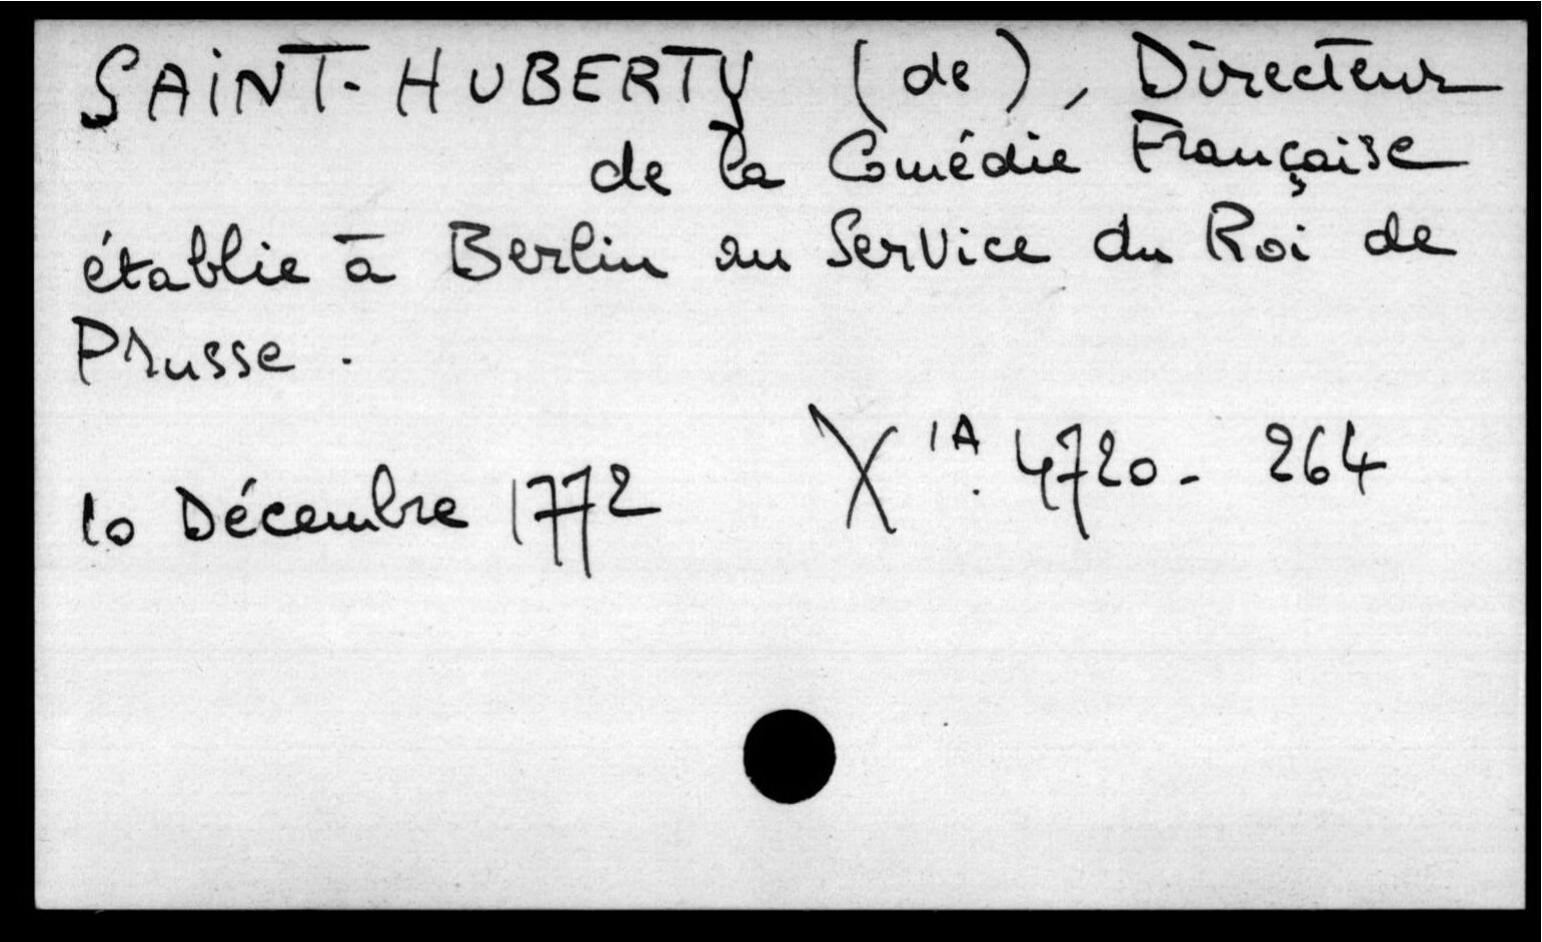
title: SAINT-HUBERTY (de), Directeur de la comédie Française établie à Berlin au Service du Roi de Prusse
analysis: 10 décembre 1772
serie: X1A
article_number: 4720
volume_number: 264
